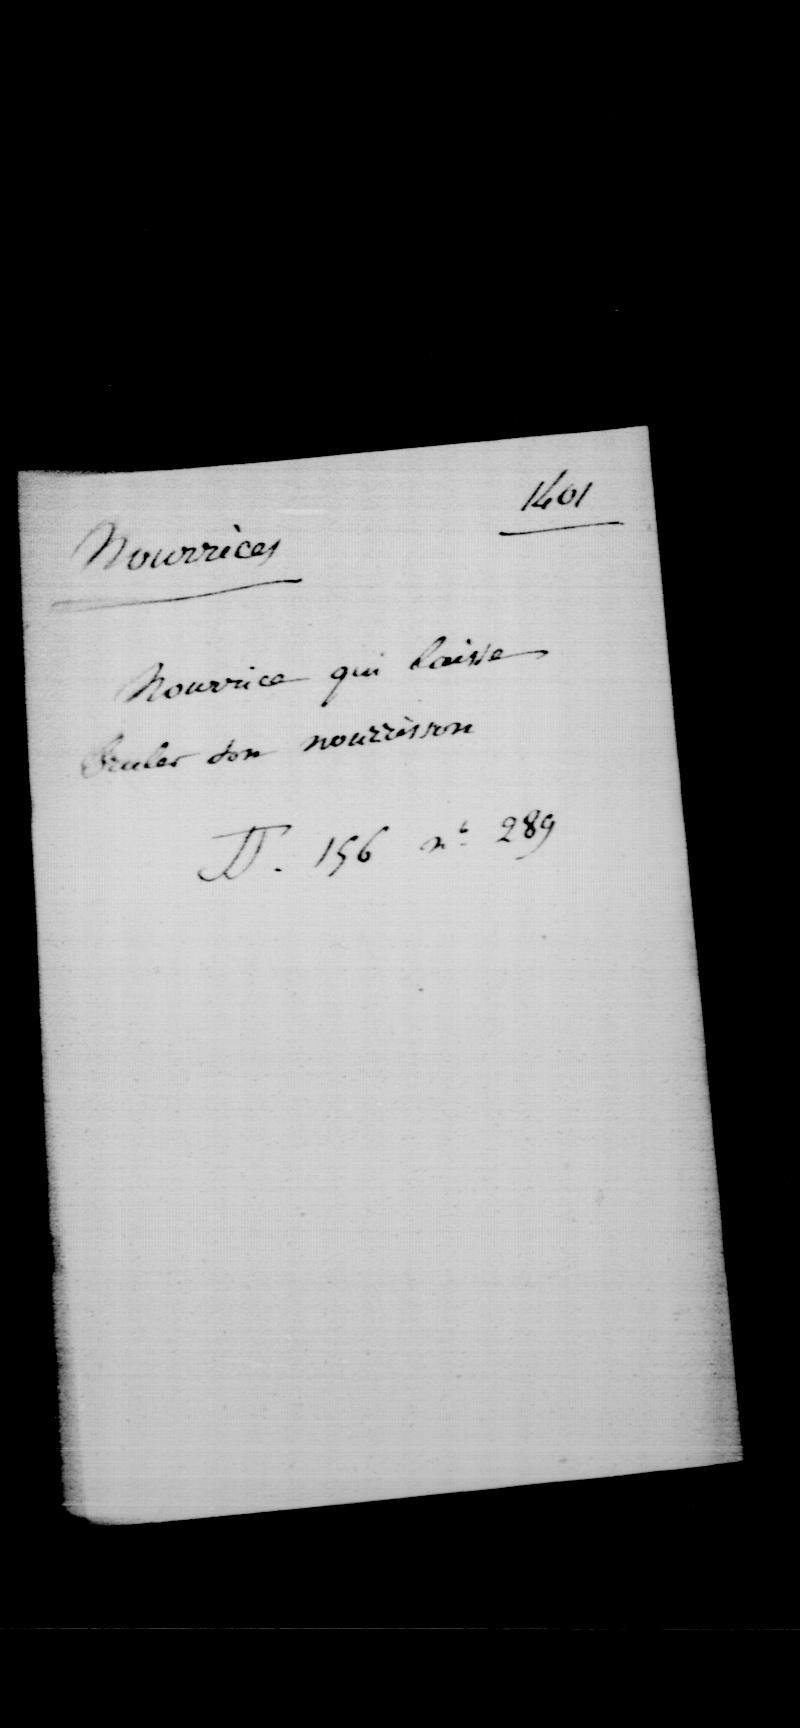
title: Nourrices
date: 1401
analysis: Nourrice qui laisse bruler son nourrisson
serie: JJ
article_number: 156
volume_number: n° 289
